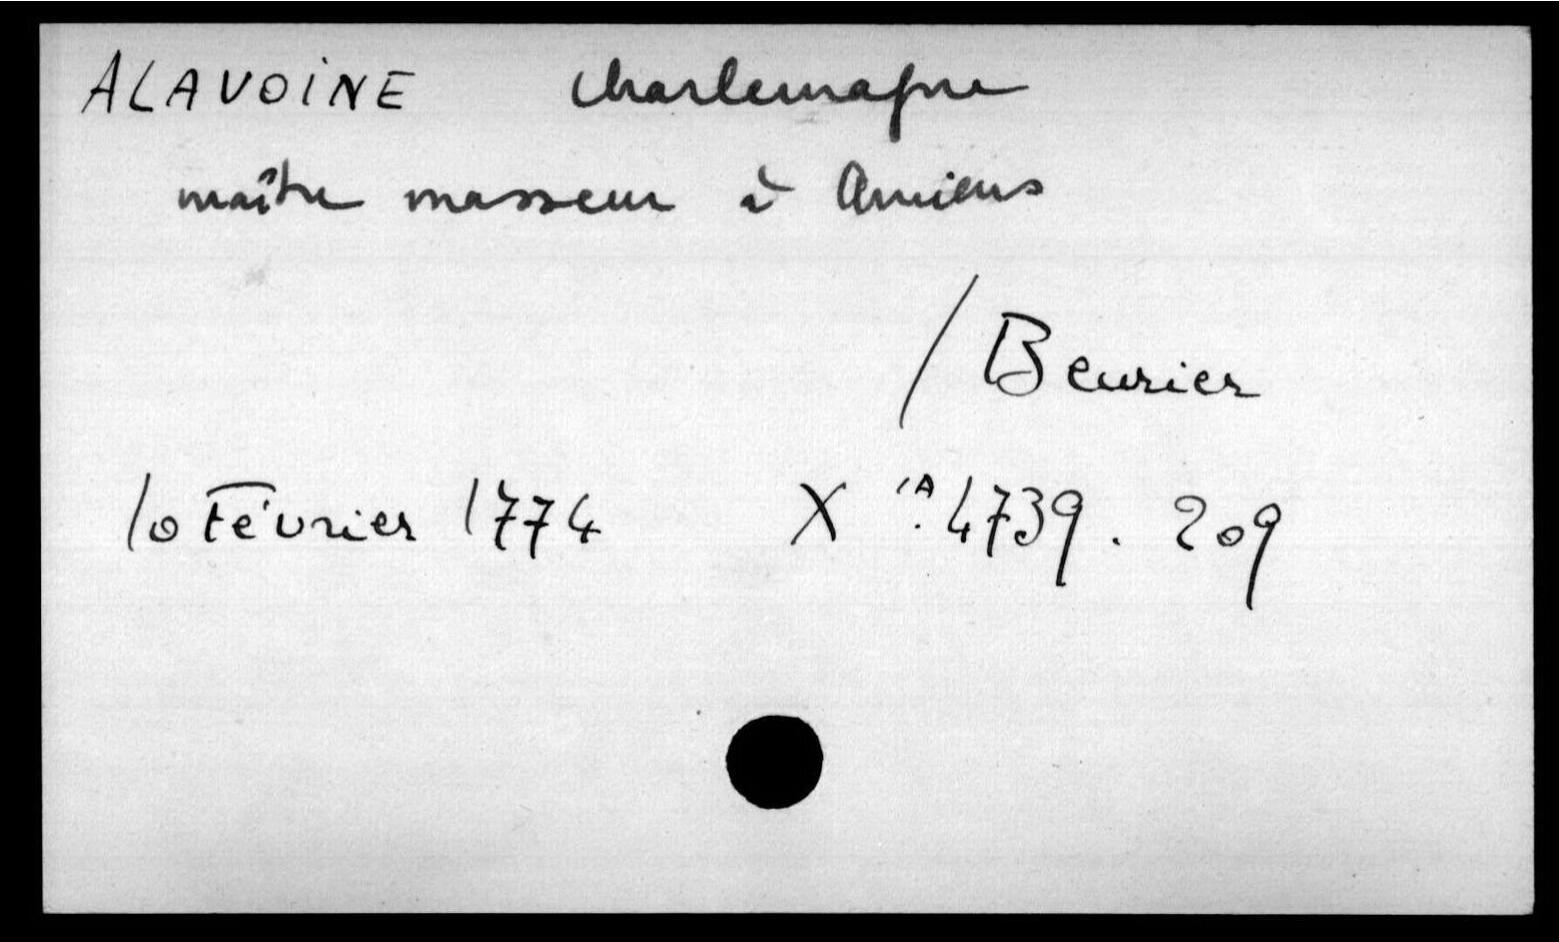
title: ALAVOINE Charlemagne maître masseur à Amiens
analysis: Contre Beurier
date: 10 février 1774
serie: X1A
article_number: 4739
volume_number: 209
